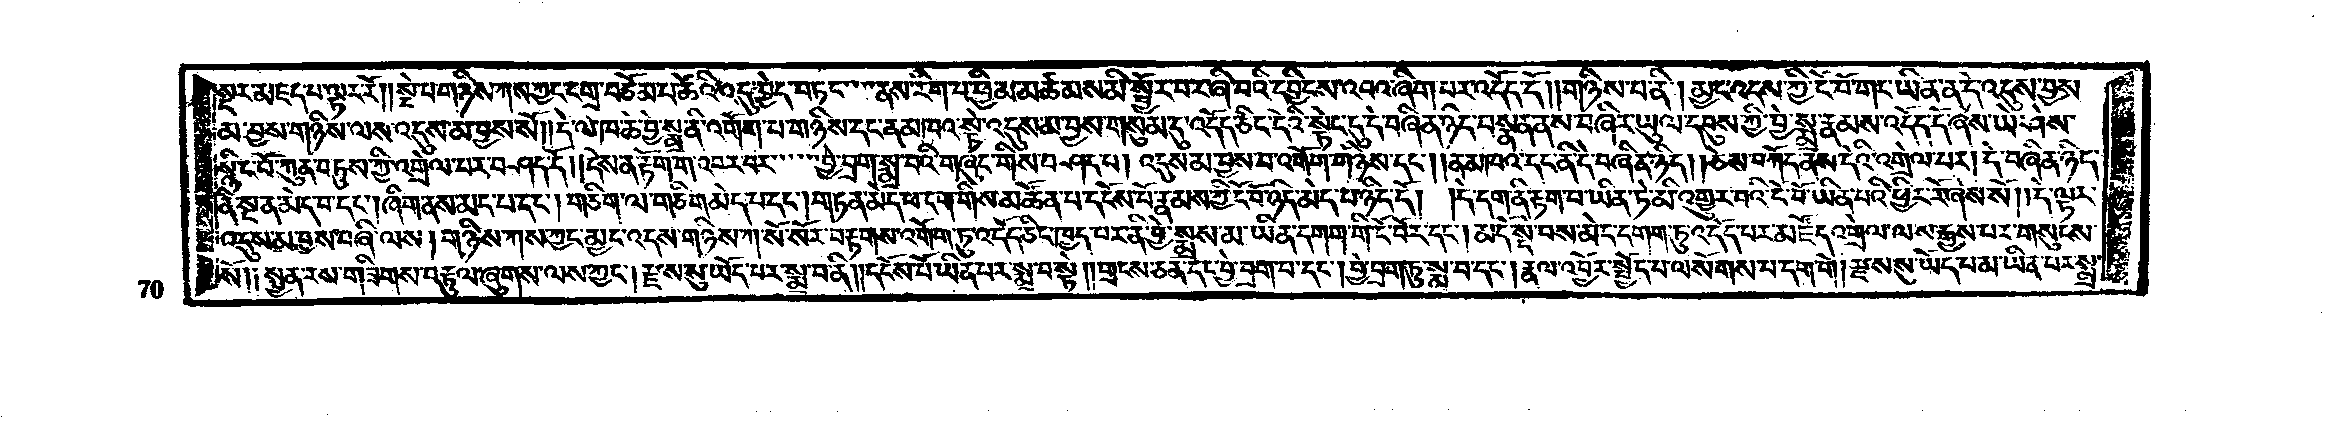སྔར་མཛད་པ་ལྟར་རོ། །སྡེ་པ་གཉིས་ཀས་ཀྱང་དགྲ་བཅོམ་པ་ཚེའི་འདུ་བྱེད་བཏང་ནས་རིག་པ་ཕྱི་མ་མཚམས་མི་སྦྱོར་བར་ཞི་བའི་དབྱིངས་འབའ་ཞིག་པར་འདོད་དོ། །གཉིས་པ་ནི། མྱང་འདས་ཀྱི་ངོ་བོ་གང་ཡིན་ན་དེ་འདུས་བྱས་
མ་བྱས་གཉིས་ལས་འདུས་མ་བྱས་སོ། །དེ་ལ་ཁ་ཆེ་བྱེ་སྨྲ་ནི་འགོག་པ་གཉིས་དང་ནམ་མཁའ་སྟེ་འདུས་མ་བྱས་གསུམ་དུ་འདོད་ཅིང་དེའི་སྟེང་དུ་དེ་བཞིན་ཉིད་བསྣན་ནས་བཞིར་ཡུལ་དབུས་ཀྱི་བྱེ་སྨྲ་རྣམས་འདོད་དོ་ཞེས་ཡེ་ཤེས་
སྙིང་པོ་ཀུན་བཏུས་ཀྱི་འགྲེལ་པར་བཤད་དོ། །དེས་ན་རྟོག་གི་འབར་བར་བྱེ་བྲག་སྨྲ་བའི་གཞུང་གིས་བཤད་པ། འདུས་མ་བྱས་པ་འགོག་གཉིས་དང་། །ནམ་མཁའ་དང་ནི་དེ་བཞིན་ཉིད། །ཅེས་བཀོད་ནས་དེའི་འགྲེལ་པར། དེ་བཞིན་ཉིད་
ནི་སྔ་ན་མེད་པ་དང་། ཞིག་ནས་མེད་པ་དང་། གཅིག་ལ་གཅིག་མེད་པ་དང་། གཏན་མེད་པ་ངག་གིས་མཚོན་པ་དངོས་པོ་རྣམས་ཀྱི་ངོ་བོ་ཉིད་མེད་པ་ཉིད་དོ། །དེ་དག་ནི་རྟག་པ་ཡིན་ཏེ་མི་འགྱུར་བའི་ངོ་བོ་ཡིན་པའི་ཕྱིར་རོ་ཞེས་སོ། །དེ་ལྟར་
འདུས་མ་བྱས་བཞི་ལས། གཉིས་ཀས་ཀྱང་མྱང་འདས་གཉིས་ཀ་སོ་སོར་བརྟགས་འགོག་ཏུ་འདོད་ཅིང་ཁྱད་པར་ནི་བྱེ་སྨྲས་མ་ཡིན་དགག་གི་ངོ་བོར་དང་། མདོ་སྡེ་བས་མེད་དགག་ཏུ་འདོད་པར་མཛོད་འགྲེལ་ལས་རྒྱས་པར་གསུངས་
སོ། །སྤྱན་རས་གཟིགས་བརྟུལ་ཞུགས་ལས་ཀྱང་། རྫས་སུ་ཡོད་པར་སྨྲ་བ་ནི། །དངོས་པོ་ཡིན་པར་སྨྲ་བ་སྟེ། །གྲངས་ཅན་དང་བྱེ་བྲག་པ་དང་། བྱེ་བྲག་ཏུ་སྨྲ་བ་དང་། རྣལ་འབྱོར་སྤྱོད་པ་ལ་སོགས་པ་དག་གོ །རྫས་སུ་ཡོད་པ་མ་ཡིན་པར་སྨྲ་